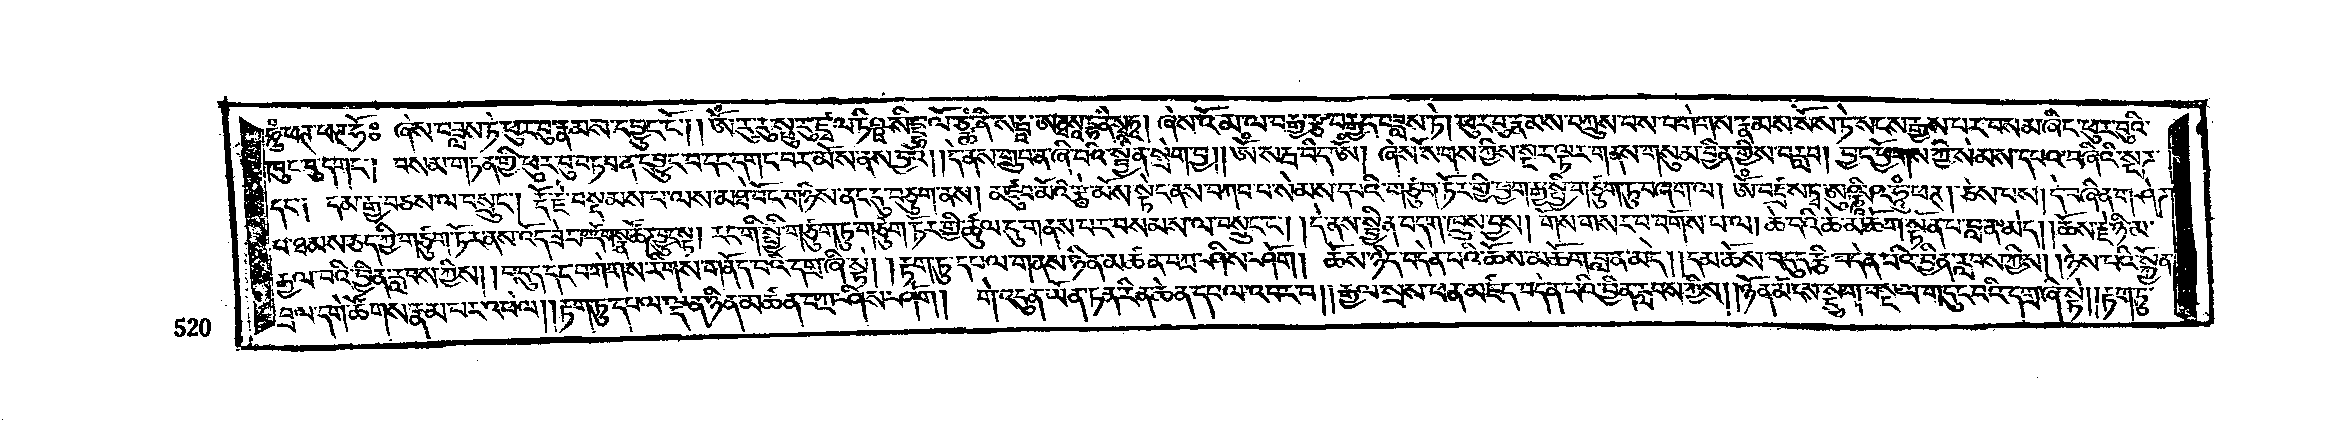ཧཱུཾ་ཕཊ་ཕཊ་ཧོཿ ཞེས་བཟླས་ཏེ་ཕུར་བུ་རྣམས་དབྱུང་ངོ། །ཨོཾ་རུ་རུ་སྥུ་རུ་ཛྭ་ལ་ཏི་ཥཊཿཨ་སིདྡྷ་ལོ་ཙྪ་ནི་སརྦྦ་ཨརྠ་སཱ་དྷ་ནི་སྭཱཧཱ། ཞེས་འོ་མ་ལ་བརྒྱ་རྩ་བརྒྱད་བཟླས་ཏེ། ཕུར་བུ་རྣམས་བཀྲུས་པས་བགེགས་རྣམས་སོས་ཏེ་སངས་རྒྱས་བར་བསམ་ཞིང་ཕུར་བུའི་
ཁུང་བུ་དགང་། བསམ་གཏན་གྱི་ཕུར་བུ་བཏབ་ན་དབྱུང་བ་དང་དགང་བར་མོས་ནས་བྱའོ། །དེ་ནས་གྲུབ་ན་ཞི་བའི་སྦྱིན་སྲེག་བྱ། །ཨོཾ་སརྦ་བིད་ཨོཾ། ཞེས་སོགས་ཀྱིས་སྔར་ལྟར་གནས་གསུམ་བྱིན་གྱིས་བརླབ། བྱང་ཕྱོགས་ཀྱི་སེམས་དཔའ་བཞིའི་སྔགས་
དང་། དམ་རྒྱ་བཅས་ལ་བསྲུང་། རྡོ་རྗེ་བསྡམས་པ་ལས་མཐེ་བོང་གཉིས་ནང་དུ་བཅུག་ནས། མཛུབ་མོའི་རྩེ་མོས་སྟེང་ནས་བཀབ་པ་སེམས་དཔའི་གཙུག་ཏོར་གྱི་ཕྱག་རྒྱ་སྤྱི་གཙུག་ཏུ་བཞག་ལ། ཨོཾ་བཛྲ་སཏྭ་ཨུཥྞཱི་ཥ་ཧཱུཾ་ཕཊ། ཅེས་པས། དེ་བཞིན་གཤེགས་
པ་ཐམས་ཅད་ཀྱི་གཙུག་ཏོར་ནས་འོད་ཟེར་ཁ་དོག་སྣ་ཚོགས་བྱུང་སྟེ། རང་གི་སྤྱི་གཙུག་ཏུ་གཙུག་ཏོར་གྱི་ཚུལ་དུ་གནས་པར་བསམས་ལ་བསྲུང་པ། །དེ་ནས་སྦྱིན་བདག་ཁྲུས་བྱས། གོས་གསར་པ་འགོས་པ་ལ། ཆེ་བའི་ཆེ་མཆོག་སྟོན་པ་བླ་ན་མེད། །ཆོས་རྗེ་ཉི་མ་
རྒྱལ་བའི་བྱིན་རླབས་ཀྱིས། །བདུད་དང་བགེགས་རིགས་གནོད་པའི་དགྲ་ཞི་སྟེ། །རྟག་ཏུ་དཔལ་གནས་ཉིན་མཚན་བཀྲ་ཤིས་ཤོག །ཆོས་ཉིད་བདེན་པའི་ཆོས་མཆོག་བླ་ན་མེད། །དམ་ཆོས་བདུད་རྩི་བདེན་པའི་བྱིན་རླབས་ཀྱིས། །ཉེས་པའི་སྐྱོན་
བྲལ་དགེ་ཚོགས་རྣམ་པར་འཕེལ། །རྟག་ཏུ་དཔལ་ལྡན་ཉིན་མཚན་བཀྲ་ཤིས་ཤོག །དགེ་འདུན་ཡོན་ཏན་རིན་ཆེན་དཔལ་འབར་བ། །རྒྱལ་སྲས་ཕན་མཛད་བདེན་པའི་བྱིན་རླབས་ཀྱིས། །ཉོན་མོངས་སྡུག་བསྔལ་གདུང་བའི་དགྲ་ཞི་སྟེ། །རྟག་ཏུ་